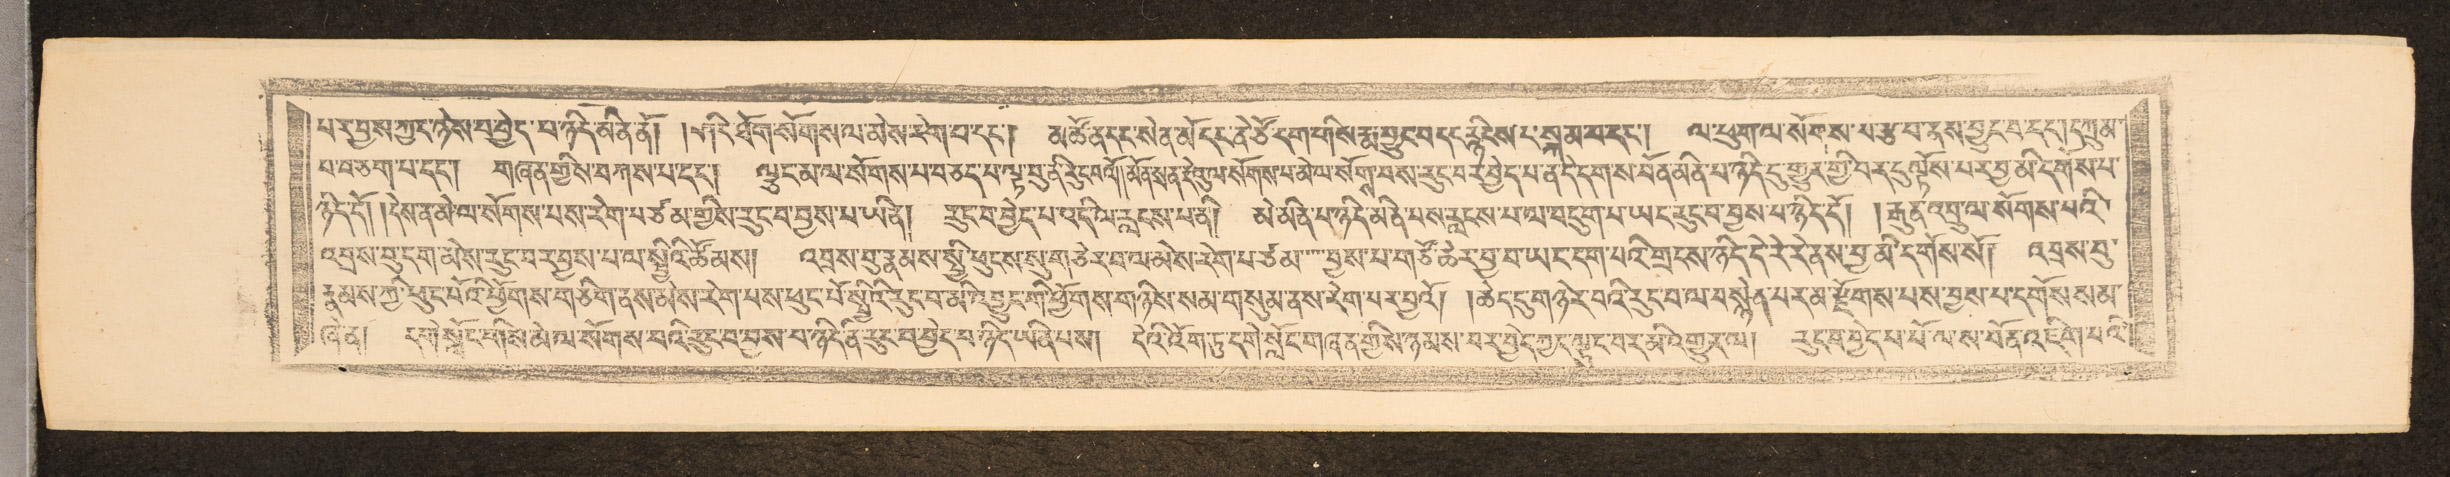པར་བྱས་ཀྱང་ཉེས་བ་བྱེད་པ་ཉིད་མིན་ནོ། །ཤིང་ཐོག་སོགས་ལ་མེས་རེག་པ་དང་། མཚོན་དང་སེན་མོ་དང་ནེ་ཙོ་དག་གིས་རྨ་བྱུང་བ་དང་རྙིངས་པ་སྐམ་པ་དང་། ལ་ཕུག་ལ་སོགས་པ་རྩ་བ་ནས་ཕྱུང་བ་དང་། དཀྲུམ་
པ་བཅག་པ་དང་། གཞན་གྱིས་བཀས་པ་དང་། ལྕང་མ་ལ་སོགས་པ་བཅད་པ་ལྟ་བུ་ནི་རུང་བའོ། །མོན་སྲན་རྡེའུ་ལ་སོགས་པ་མེ་ལ་སོགས་བས་རུང་བར་བྱེད་པ་ན་དེ་དག་ས་བོན་མིན་པ་ཉིད་དུ་གྱུར་གྱི་བར་དུ་ལྟོས་པར་བྱ་མི་དགོས་པ་
ཉིད་དོ། །དེས་ན་མེ་ལ་སོགས་པས་རེག་པ་ཙམ་གྱིས་རུང་བ་བྱས་པ་ཡིན། རུང་བ་བྱེད་པ་འདི་ལ་རླངས་པ་ནི། མེ་མིན་པ་ཉིད་མིན་བས་རླངས་པ་ལ་བདུག་བ་ཡང་རུང་བ་བྱས་པ་ཉིད་དོ། །རྒུན་འབྲུ་ལ་སོགས་པའི་
འབྲས་བུ་དག་མེས་རུང་བར་བྱས་པ་ལ་སྤྱིའི་ཚོམས། འབྲས་བུ་རྣམས་སྤྱི་ཕུངས་སུ་གཅེར་བ་ལ་མེས་རེག་པ་ཙམ་བྱས་པ་གཙོ་ཆེར་བྱ་བ་ཡང་དག་པའི་གྲངས་ཉིད་དེ་རེ་རེ་ནས་བྱ་མི་དགོས་སོ། །འབྲས་བུ་
རྣམས་ཀྱི་ཕུང་པོའི་ཕྱོགས་གཅིག་ནས་མེས་རེག་པས་ཕུང་པོ་སྤྱིའི་རུང་བ་མི་འབྱུང་གི་ཕྱོགས་གཉིས་སམ་གསུམ་ནས་རེག་བར་བྱའོ། །ཆེད་དུ་གཉེར་བའི་རུང་བ་ལ་བསྙེན་བར་མ་རྫོགས་པས་བྱས་པ་དགོས་སམ་
ཞེ་ན། དགེ་སློང་གིས་མེ་ལ་སོགས་པའི་རུང་བ་བྱས་པ་ཉིད་ནི་རུང་བ་བྱེད་པ་ཉིད་ཡིན་པས། དེའི་འོག་ཏུ་དགེ་སློང་གཞན་གྱིས་ཉམས་པར་བྱེད་ཀྱང་ལྟུང་བར་མི་འགྱུར་ལ། རུང་བ་བྱེད་པ་པོ་ལ་ས་བོན་འཇིག་པའི་